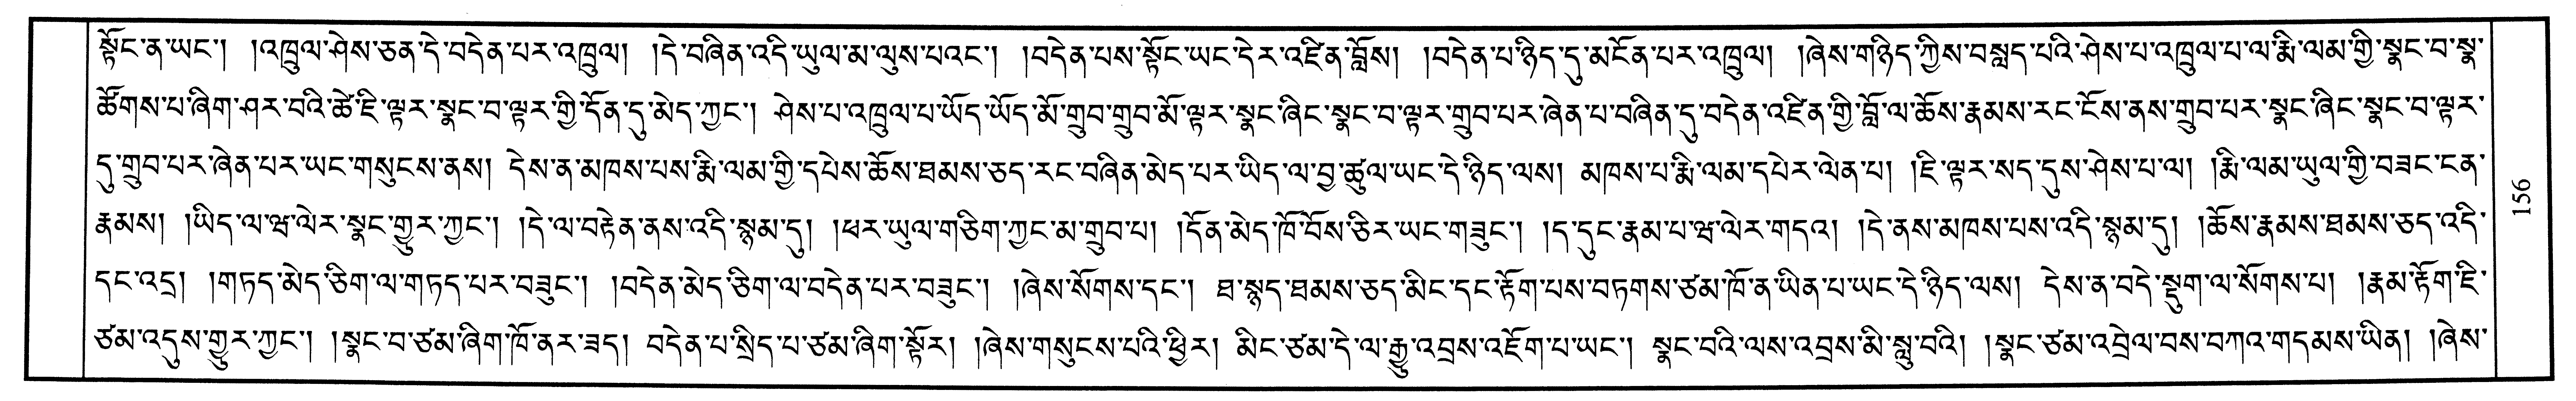སྟོང་ན་ཡང་། །འཁྲུལ་ཤེས་ཅན་དེ་བདེན་པར་འཁྲུལ། །དེ་བཞིན་འདི་ཡུལ་མ་ལུས་པའང་། །བདེན་པས་སྟོང་ཡང་དེར་འཛིན་བློས། །བདེན་པ་ཉིད་དུ་མངོན་པར་འཁྲུལ། །ཞེས་གཉིད་ཀྱིས་བསླད་པའི་ཤེས་པ་འཁྲུལ་པ་ལ་རྨི་ལམ་གྱི་སྣང་བ་སྣ་
ཚོགས་པ་ཞིག་ཤར་བའི་ཚེ་ཇི་ལྟར་སྣང་བ་ལྟར་གྱི་དོན་དུ་མེད་ཀྱང་། ཤེས་པ་འཁྲུལ་པ་ཡོད་ཡོད་མོ་གྲུབ་གྲུབ་མོ་ལྟར་སྣང་ཞིང་སྣང་བ་ལྟར་གྲུབ་པར་ཞེན་པ་བཞིན་དུ་བདེན་འཛིན་གྱི་བློ་ལ་ཆོས་རྣམས་རང་ངོས་ནས་གྲུབ་པར་སྣང་ཞིང་སྣང་བ་ལྟར་
དུ་གྲུབ་པར་ཞེན་པར་ཡང་གསུངས་ནས། དེས་ན་མཁས་པས་རྨི་ལམ་གྱི་དཔེས་ཆོས་ཐམས་ཅད་རང་བཞིན་མེད་པར་ཡིད་ལ་བྱ་ཚུལ་ཡང་དེ་ཉིད་ལས། མཁས་པ་རྨི་ལམ་དཔེར་ལེན་པ། །ཇི་ལྟར་སད་དུས་ཤེས་པ་ལ། །རྨི་ལམ་ཡུལ་གྱི་བཟང་ངན་
རྣམས། །ཡིད་ལ་ཝ་ལེར་སྣང་གྱུར་ཀྱང་། །དེ་ལ་བརྟེན་ནས་འདི་སྙམ་དུ། །ཕར་ཡུལ་གཅིག་ཀྱང་མ་གྲུབ་པ། །དོན་མེད་ཁོ་བོས་ཅིར་ཡང་གཟུང་། །ད་དུང་རྣམ་པ་ཝ་ལེར་གདའ། །དེ་ནས་མཁས་པས་འདི་སྙམ་དུ། །ཆོས་རྣམས་ཐམས་ཅད་འདི་
དང་འདྲ། །གཏད་མེད་ཅིག་ལ་གཏད་པར་བཟུང་། །བདེན་མེད་ཅིག་ལ་བདེན་པར་བཟུང་། །ཞེས་སོགས་དང་། ཐ་སྙད་ཐམས་ཅད་མིང་དང་རྟོག་པས་བཏགས་ཙམ་ཁོ་ན་ཡིན་པ་ཡང་དེ་ཉིད་ལས། དེས་ན་བདེ་སྡུག་ལ་སོགས་པ། །རྣམ་རྟོག་ཇི་
ཙམ་འདུས་གྱུར་ཀྱང་། །སྣང་བ་ཙམ་ཞིག་ཁོ་ནར་ཟད། བདེན་པ་སྲིད་པ་ཙམ་ཞིག་སྟོར། །ཞེས་གསུངས་པའི་ཕྱིར། མིང་ཙམ་དེ་ལ་རྒྱུ་འབྲས་འཇོག་པ་ཡང་། སྣང་བའི་ལས་འབྲས་མི་སླུ་བའི། །སྣང་ཙམ་འབྲེལ་བས་བཀའ་གདམས་ཡིན། །ཞེས་